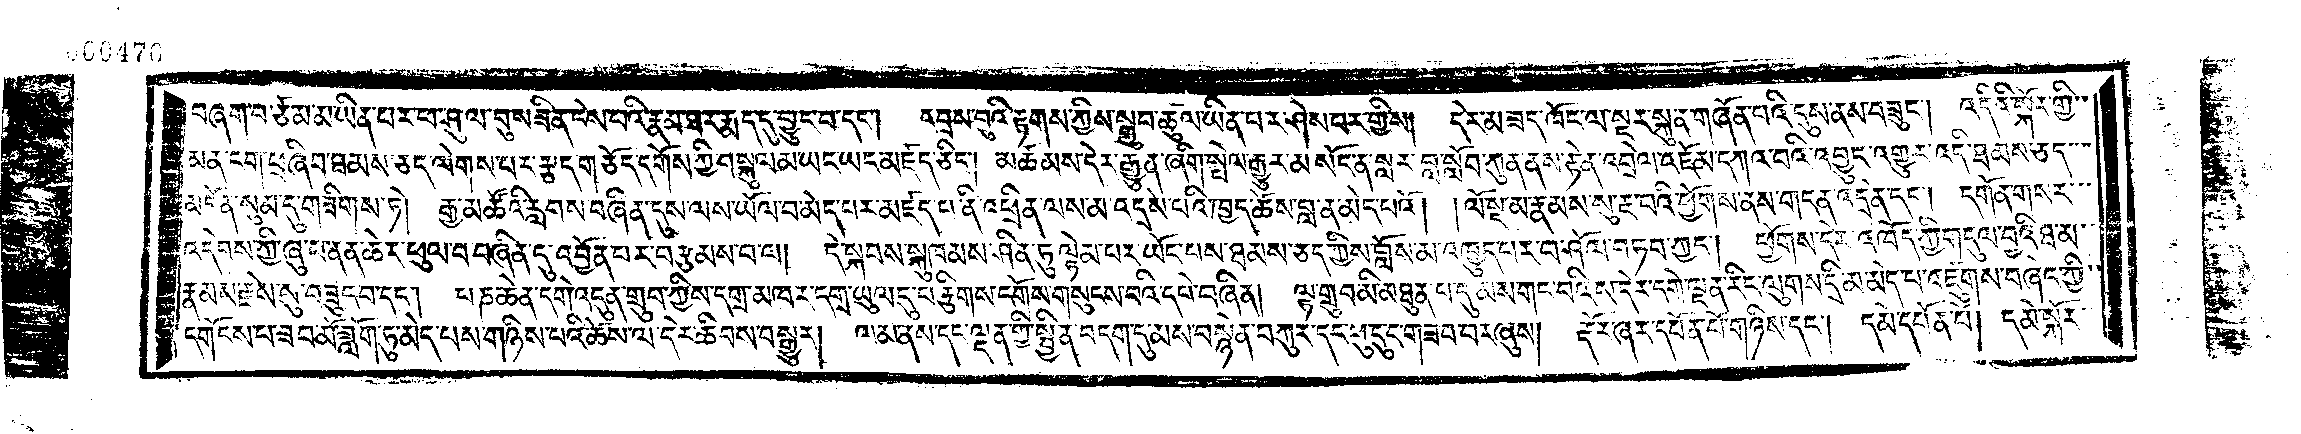བཞག་པ་ཙམ་མ་ཡིན་པར་ཕ་ཤུལ་བུས་ཟིན་ངེས་པའི་རྣམ་ཐར་རྨད་དུ་བྱུང་བ་དང་། འབྲས་བུའི་རྟགས་ཀྱིས་སྒྲུབ་ཚུལ་ཡིན་པར་ཤེས་པར་གྱིས། དེར་མ་ཟད་ཁོང་ལ་སྔར་སྐུ་ན་གཞོན་པའི་དུས་ནས་བཟུང་། འདིའི་སྐོར་གྱི་
མན་ངག་ཕྲ་ཞིབ་ཐམས་ཅད་ལེགས་པར་རྩད་གཅོད་དགོས་ཀྱི་བསྐུལ་མ་ཡང་ཡང་མཛད་ཅིང་། མཚམས་དེར་རྒྱུན་ཞིག་སྤེལ་རྒྱུར་མ་སོང་ན་སླར་བླ་སློབ་ཀུན་ནས་རྟེན་འབྲེལ་འཛོམ་དཀའ་བའི་འབྱུང་འགྱུར་འདི་ཐམས་ཅད་
མངོན་སུམ་དུ་གཟིགས་ཏེ། རྒྱ་མཚོའི་རླབས་བཞིན་དུས་ལས་ཡོལ་བ་མེད་པར་མཛད་པ་ནི་འཕྲིན་ལས་མ་འདྲེས་པའི་ཁྱད་ཆོས་བླ་ན་མེད་པའོ། །ལོ་སྔ་མ་རྣམས་སུ་རྔ་བའི་ཕྱོགས་ནས་གདན་འདྲེན་དང་། དགོན་གསར་
འདེབས་ཀྱི་ཞུ་བ་ནན་ཆེར་ཕུལ་བ་བཞིན་དུ་འབྱོན་པར་བརྩམས་པ་ལ། དེ་སྐབས་སྐུ་ཁམས་ཤིན་ཏུ་ལྟེམ་པར་ཡོད་པས་ཐམས་ཅད་ཀྱིས་བློས་མ་འཁྱུད་པར་བཤོལ་བཏབ་ཀྱང་། ཕྱོགས་དེར་འཁོད་ཀྱི་གདུལ་བྱའི་ཐ་མ་
རྣམས་རྗེས་སུ་བཟུང་བ་དང་། པཎ་ཆེན་དགེ་འདུན་གྲུབ་ཀྱིས་དགྲ་མཁར་དགྲ་ཡུལ་དུ་བརྩིགས་དགོས་གསུངས་པའི་དཔེ་བཞིན། ལྟ་གྲུབ་མི་མཐུན་པ་དུ་མས་གང་བའི་ས་དེར་དགེ་ལྡན་རིང་ལུགས་དྲི་མ་མེད་པ་འཛུགས་བཞེད་ཀྱི་
དགོངས་པ་ཟབ་མོ་ཟློག་ཏུ་མེད་པས་གཉིས་པའི་ཚེས་ལ་དེར་ཆིབས་བསྒྱུར། ལམ་ནས་དད་ལྡན་གྱི་སྦྱིན་བདག་དུ་མས་བསྙེན་བཀུར་དང་ཕུ་དུང་གཟབ་པར་ཞུས། རྡོར་ཞར་དཔོན་པོ་གཉིས་དང་། དམེ་དཔོན་པོ། དམེ་སྐོར་